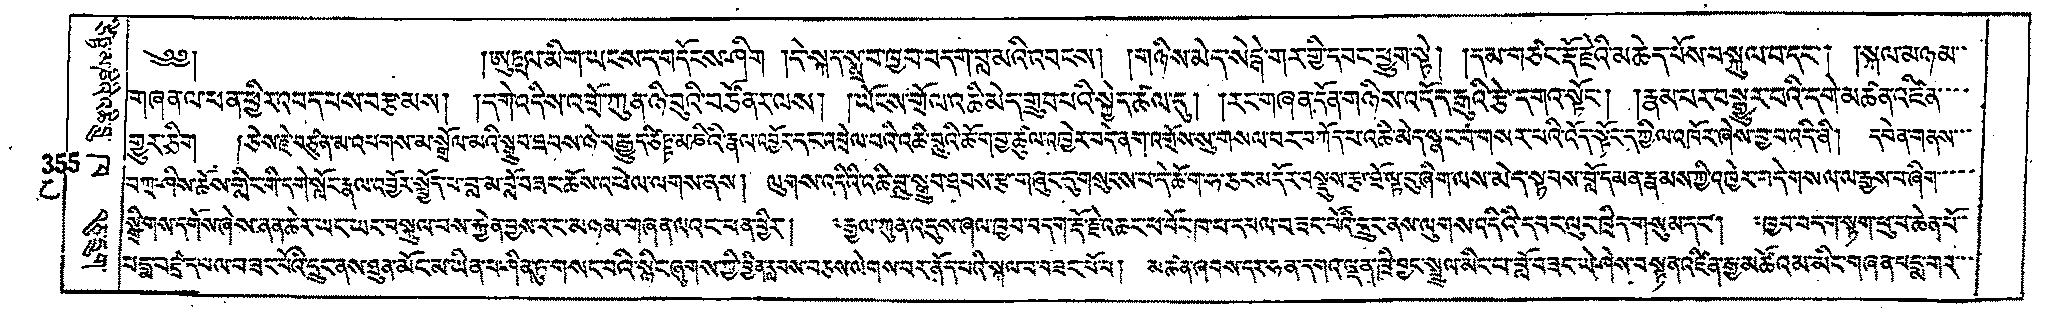༄༅། །ཨུཏྤལ་མིག་ཡངས་ད་གདོངས་ཤིག །དེ་སྐད་སྨྲ་བ་ཁྱབ་བདག་བླ་མའི་འབངས། །གཉིས་མེད་སེངྒེ་གར་གྱི་དབང་ཕྱུག་སྟེ། །དམ་གཙང་རྡོ་རྗེའི་མཆེད་པོས་བསྐུལ་བ་དང་། །སྐལ་མཉམ་་་
གཞན་ལ་ཕན་ཕྱིར་འབད་པས་བརྩམས། །དགེ་འདིས་འགྲོ་ཀུན་ཉི་བུའི་བཙོན་ར་ལས། །ཡོངས་གྲོལ་འཆི་མེད་གྲུབ་པའི་སྐྱེད་ཚལ་དུ། །རང་གཞན་དོན་གཉིས་འདོད་རྒུའི་རྩེ་དགའ་སྟོང་། །རྣམ་པར་བསྒྱུར་བའི་དགེ་མཚན་འཛིན་་་
གྱུར་ཅིག །ཅེས་རྗེ་བཙུན་མ་འཕགས་མ་སྒྲོལ་མའི་སྒྲུབ་ཐབས་ཉེ་བརྒྱུད་ཙིཏྟ་མ་ཎིའི་རྣལ་འབྱོར་དང་འབྲེལ་བའི་འཆི་བླུའི་ཆོ་ག་བྱ་ཚུལ་འཁྱེར་བདེ་ནག་འགྲོས་སུ་གསལ་བར་བཀོད་པ་འཆི་མེད་སྣང་བ་གསར་པའི་འོད་སྟོང་དཀྱིལ་འཁོར་ཞེས་བྱ་བ་འདི་ནི། དབེན་གནས་་་
བཀྲ་ཤིས་ཆོས་གླིང་གི་དགེ་སློང་རྣལ་འབྱོར་སྤྱོད་པ་བླ་མ་བློ་བཟང་ཆོས་འཕེལ་ལགས་ནས། ལུགས་འདིའི་འཆི་བླུ་སྒྲུབ་ཐབས་རྩ་གཞུང་དུ་གསུངས་པ་དེ་ཆོ་ག་ཧ་ཅང་མདོར་བསྡུས་རྩ་ཐོ་ལྟ་བུ་ཞིག་ལས་མེད་སྟབས་བློ་དམན་རྣམས་ཀྱི་འཁྱེར་བདེ་གསལ་ལ་རྒྱས་པ་ཞིག་་་
སྒྲིགས་དགོས་ཞེས་ནན་ཆེར་ཡང་ཡང་བསྐུལ་བས་རྐྱེན་བྱས་རང་མཉམ་གཞན་ལའང་ཕན་ཕྱིར། ༧རྒྱལ་ཀུན་འདུས་ཞལ་ཁྱབ་བདག་རྡོ་རྗེ་འཆང་ཕ་བོང་ཁ་པ་དཔལ་བཟང་པོའི་དྲུང་ནས་ལུགས་འདིའི་དབང་ལུང་ཁྲིད་གསུམ་དང་། ༧ཁྱབ་བདག་སྟག་ཕུ་པ་ཆེན་པོ་་་
པདམ་བཛྲ་དཔལ་བཟང་པོའི་དྲུང་ནས་ཐུན་མོང་མ་ཡིན་པ་ཤིན་ཏུ་གསང་བའི་སྙིང་ཞུགས་ཀྱི་བྱིན་རླབས་བཅས་ལེགས་པར་ནོད་པའི་སྐལ་བ་བཟང་པོ་པ། མཚན་ཞབས་དར་ཧན་དགའ་ལྡན་ཁྲི་བྱང་སྤྲུལ་མིང་པ་བློ་བཟང་ཡེ་ཤེས་བསྟན་འཛིན་རྒྱ་མཚོའམ་མིང་གཞན་པདམ་གར་་་